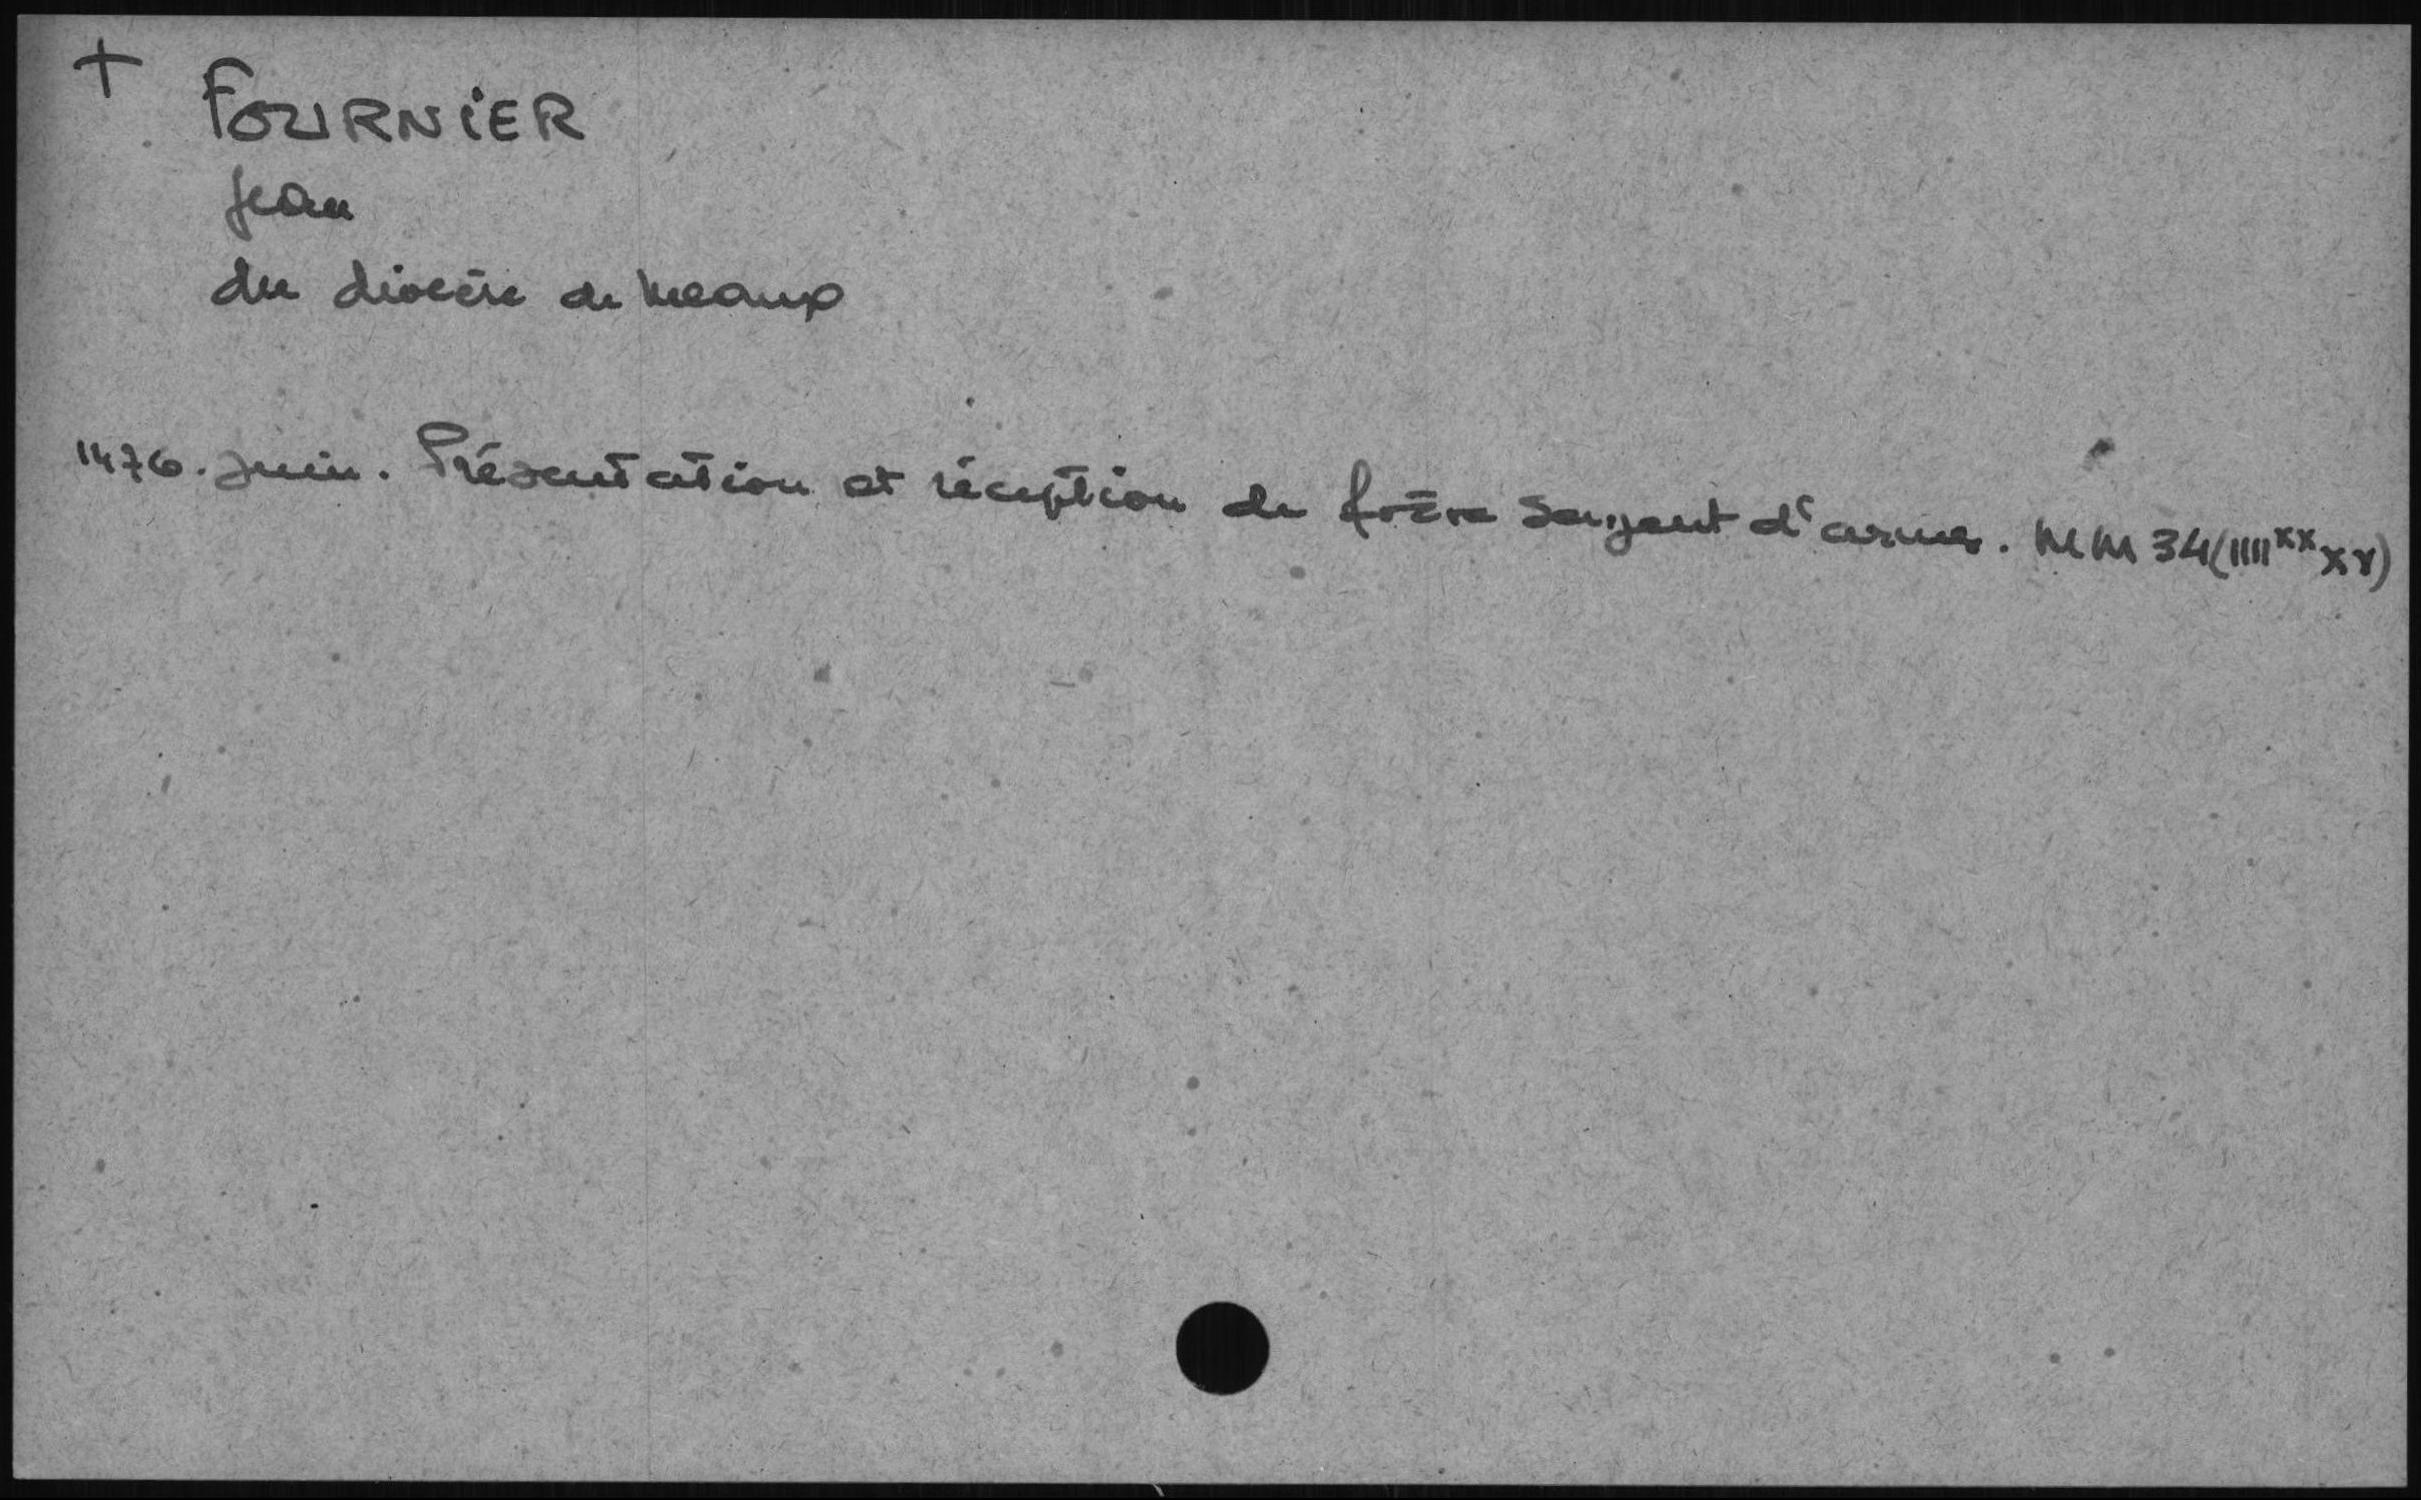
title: + FOURNIER Jean du diocèse de Meaux
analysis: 1476, juin. Présentation et réception de frère sergent d'armes. MM 34 (IIIIXX XV)
